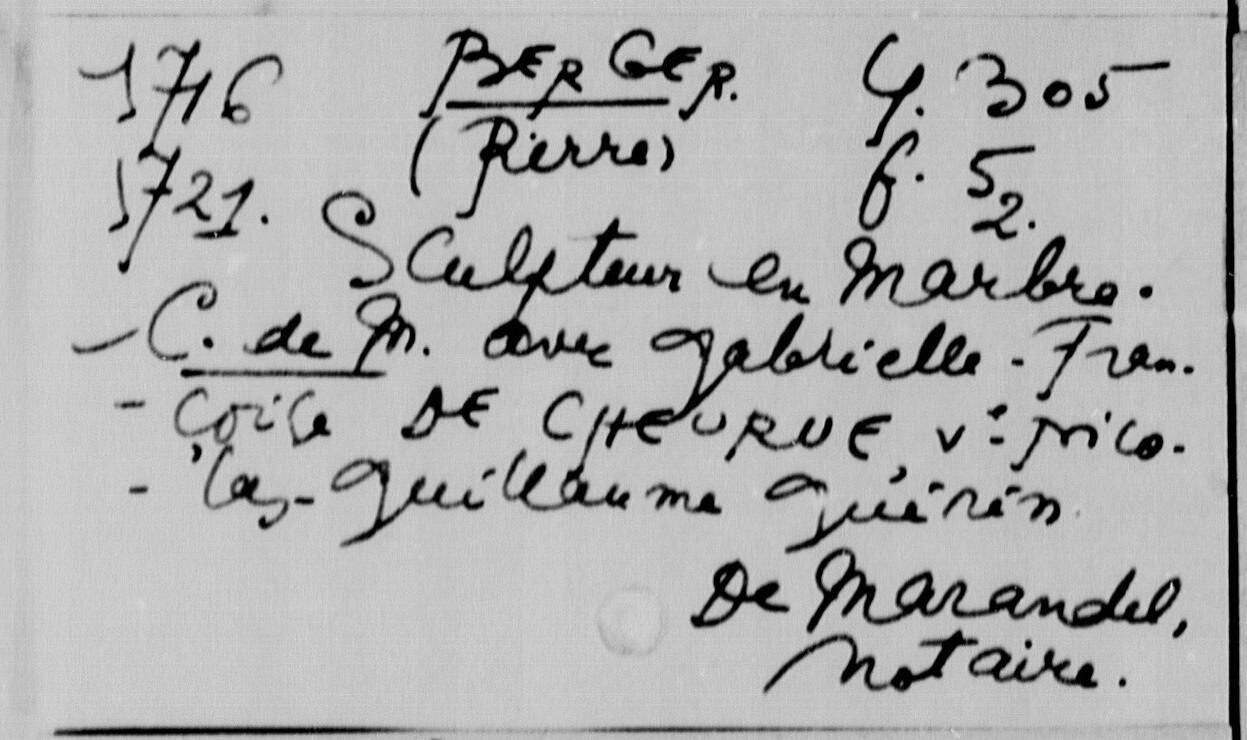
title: BERGER (Pierre)
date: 1716-1721
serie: Y
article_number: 305
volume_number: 52
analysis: Sculpteur de Marbre. Contrat de mariage avec Gabrielle-Françoise DE CHEURUE, veuve Nicolas-Guillaume Guérin. De Marandel, notaire.
